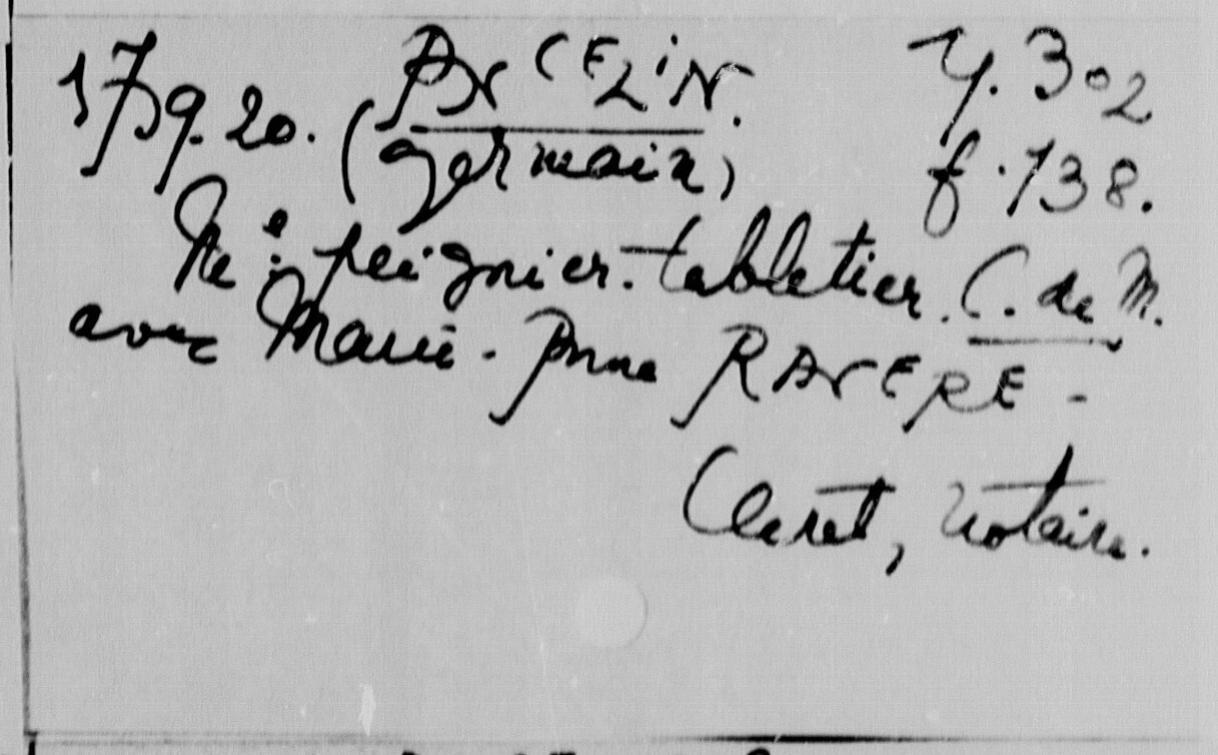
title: ANCELIN (Germain)
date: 1719-1720
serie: Y
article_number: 302
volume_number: folio 138
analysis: Maître peignier tabletier. Contrat de mariage avec Marie Anne RAVERE Cleret, notaire
